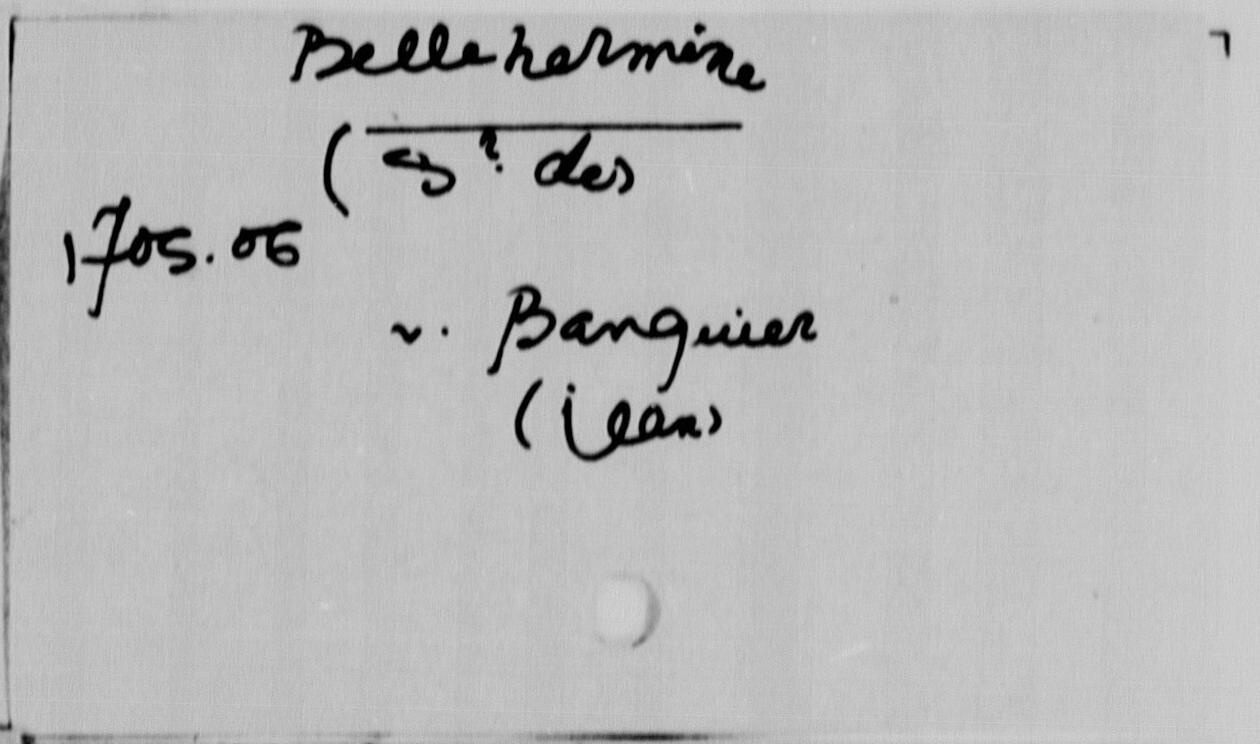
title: Bellehermine (seigneur des)
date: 1705-1706
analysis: Voir Banquier (Jean)
